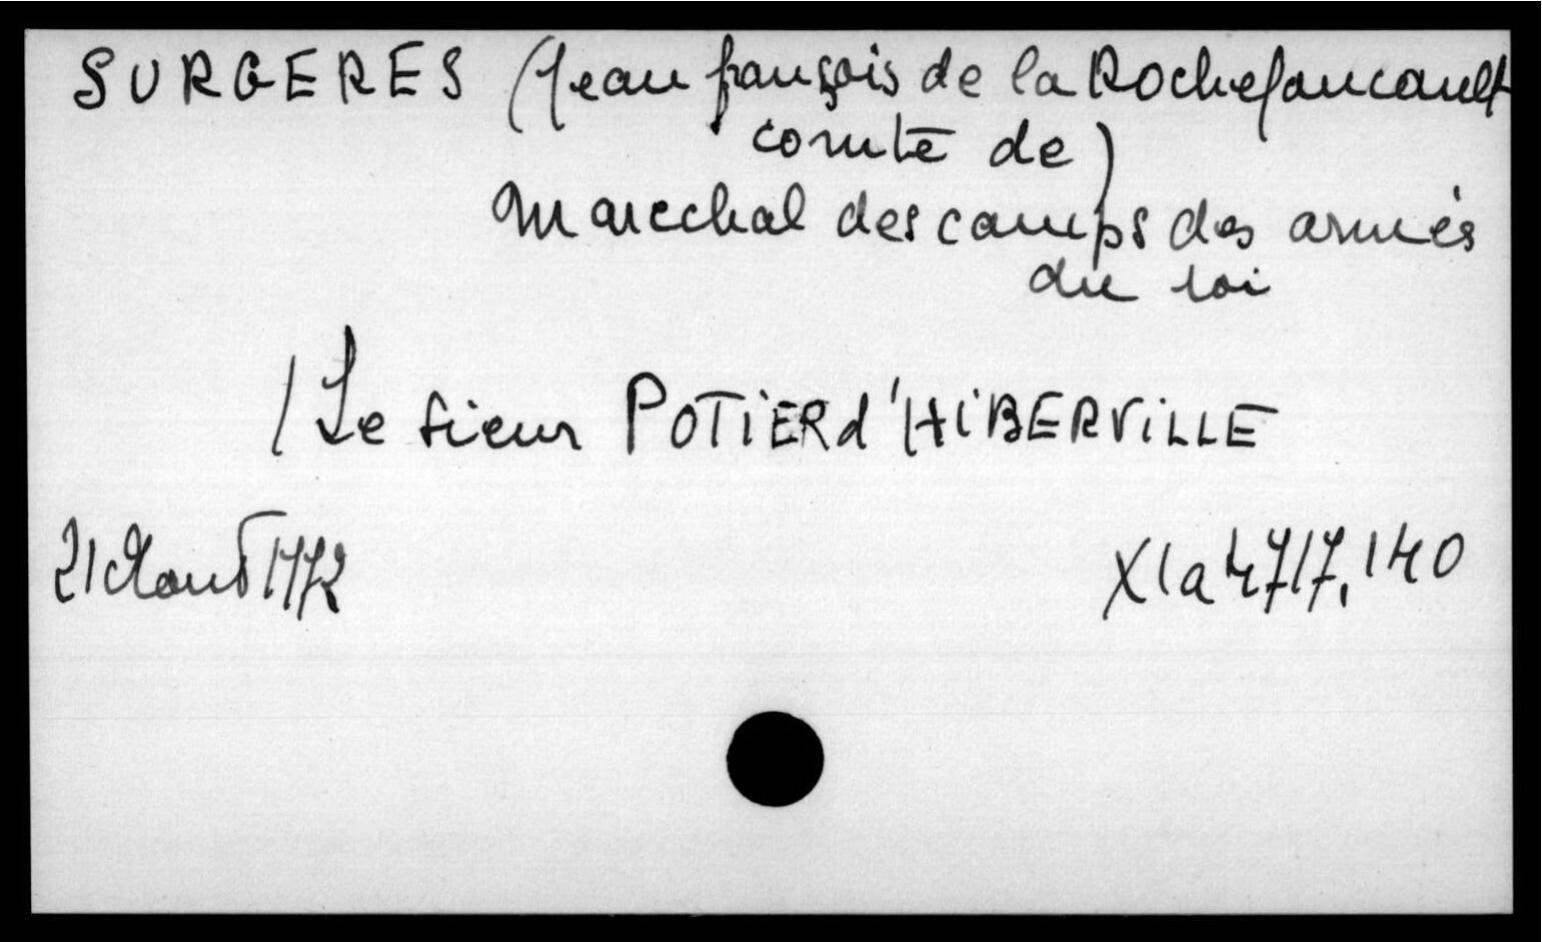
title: SURGERES (Jean Fançois de la Rochefoucault comte de) maréchal des camps des armées du roi
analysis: Contre le sieur POTIER d'HIBERVILLE
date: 21 août 1772
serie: X1a
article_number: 4717
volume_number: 140
